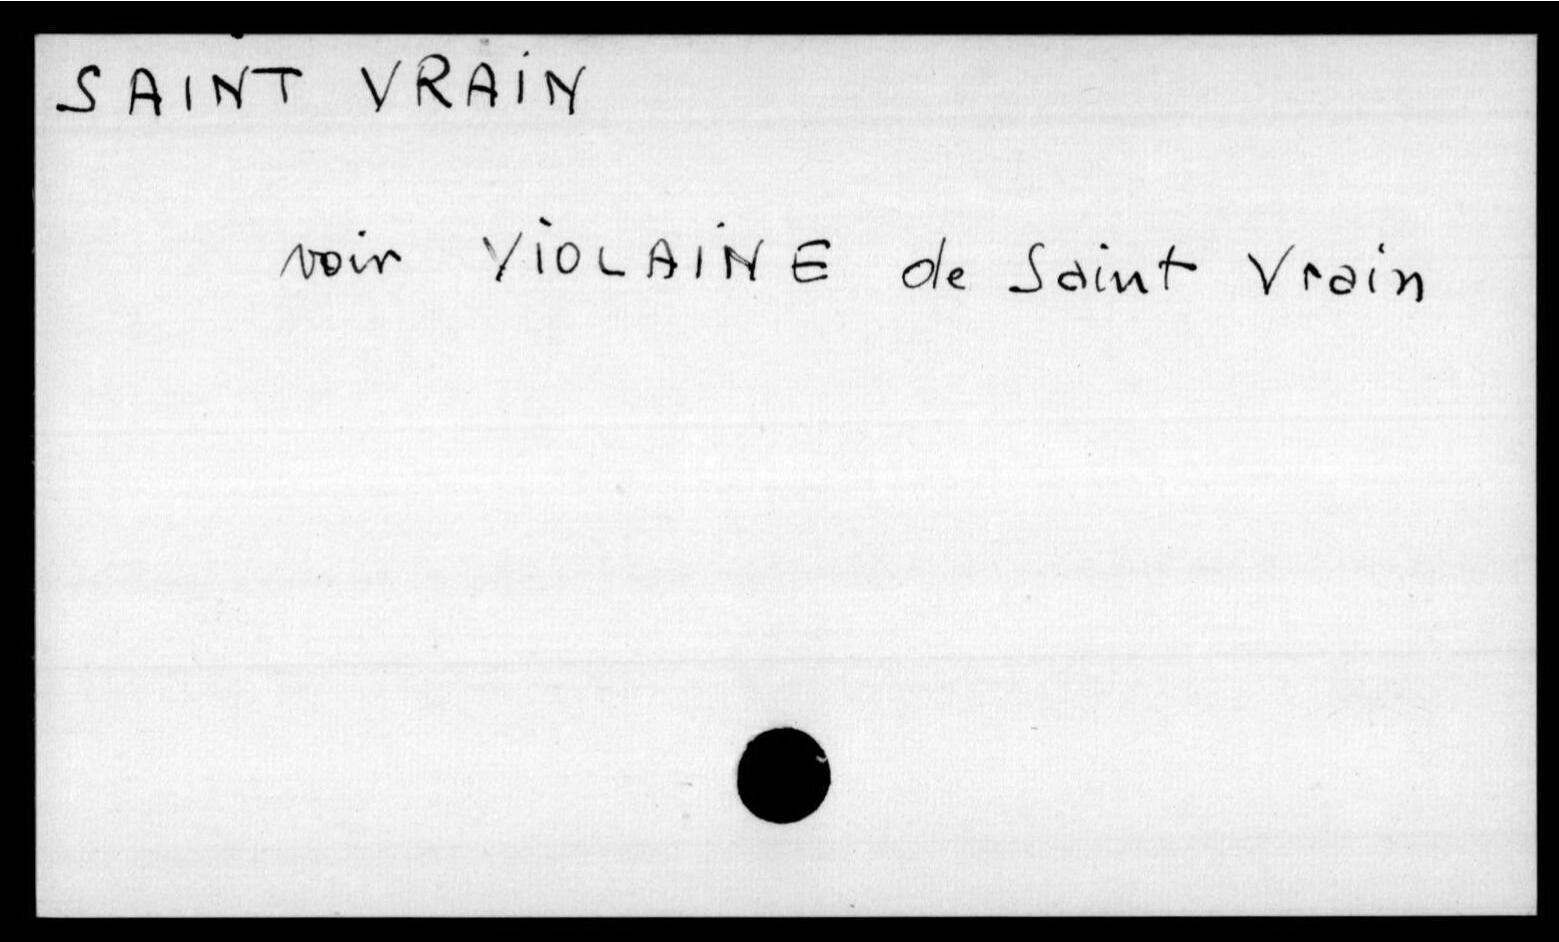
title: SAINT VRAIN
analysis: Voir VIOLAINE de Saint Vroin
